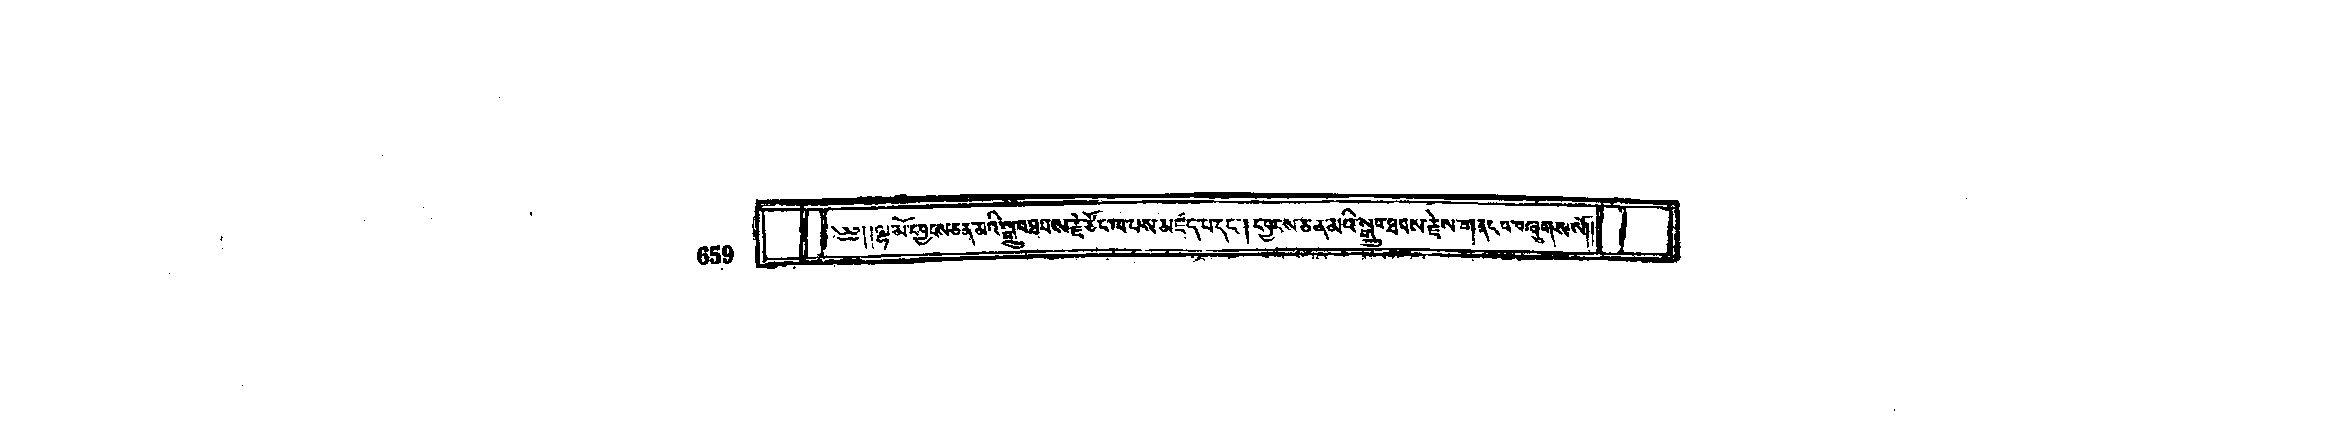༄༅། །ལྷ་མོ་དབྱངས་ཅན་མའི་སྒྲུབ་ཐབས་རྗེ་ཙོང་ཁ་པས་མཛད་པ་དང་། དབྱངས་ཅན་མའི་སྒྲུབ་ཐབས་རྗེས་གནང་བ་བཞུགས་སོ། །